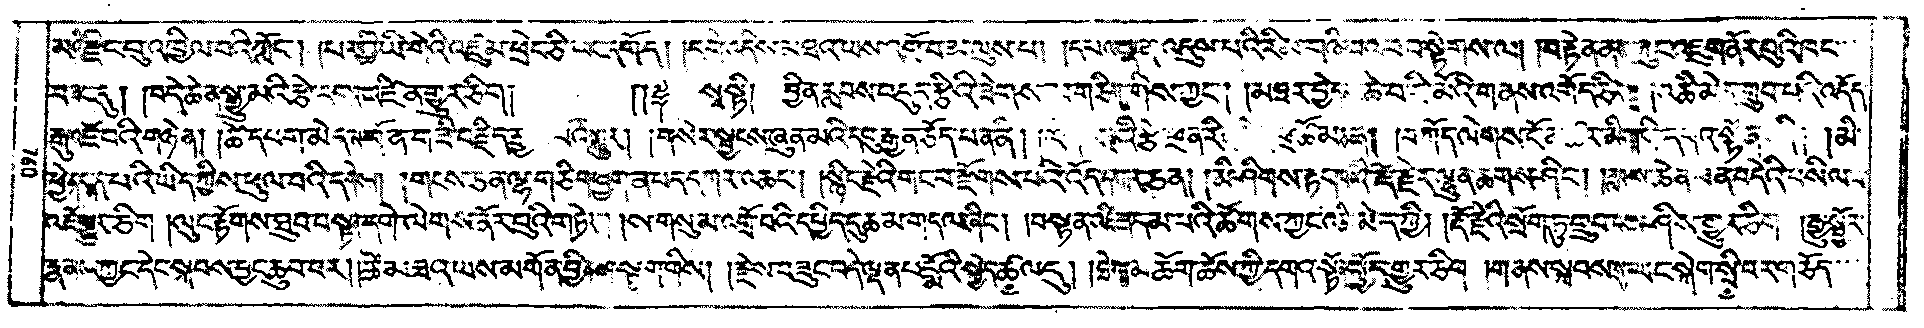མའི་རྫིང་བུ་འཁྱིལ་བའི་ཀློང་། །པར་གྱི་ཡི་གེའི་འཛུམ་ཕྲེང་ཅི་ཡང་དགོད། །དགེ་འདིས་མཐའ་ཡས་འགྲོ་བ་མ་ལུས་པ། །དཔལ་ལྡན་འདུས་པའི་རིམ་གཉིས་འབབ་སྟེགས་ལ། །བརྟེན་ནས་ཟུང་འཇུག་ནོར་བུའི་ཁང་
བཟང་དུ། །བདེ་ཆེན་སྒྱུ་མའི་རྩེ་དགའ་འཛིན་གྱུར་ཅིག ། །། ༈ སྭ་སྟི། བྱིན་རླབས་བདུད་རྩིའི་ཟེགས་མ་གཅིག་གིས་ཀྱང་། །མཐར་བྱེད་མཆེ་བ་རི་མོའི་གནས་འགོད་ཅིང་། །འཆི་མེད་གྲུབ་པའི་འདོད་
རྒུ་འཇོ་བའི་གཉེན། །ཚེ་དཔག་མེད་མགོན་གཟི་བརྗིད་རྒྱལ་པོའི་སྐུར། །གསེར་སྦྱངས་ཞུན་མའི་དབུ་རྒྱན་ཅོད་པན་ནི། །རིགས་ལྔའི་རྩེ་ཕྲན་རིན་ཆེན་ཕྲ་ཚོམ་ཅན། །བཀོད་ལེགས་ངོ་མཚར་མིག་གི་དགའ་སྟོན་འདི། །མི་
ཕྱེད་དད་པའི་ཡིད་ཀྱིས་ཕུལ་བའི་དགེས། །གངས་ཅན་ལྷ་གཅིག་ཕྱག་ན་པད་དཀར་འཆང་། །སྙིང་རྗེའི་གང་བ་རྫོགས་པའི་འོད་དཀར་ཅན། །མི་ཤིགས་རྟག་པའི་རྡོ་རྗེར་ལྷུན་ཆགས་ཤིང་། །རླབས་ཆེན་ཕན་བདེའི་བསིལ་བ་
འཇོ་གྱུར་ཅིག །ལུང་རྟོགས་ཐུབ་བསྟན་དགེ་ལེགས་ནོར་བུའི་གཏེར། །ས་གསུམ་འགྲོ་བའི་དཔྱིད་དུ་ཆམ་གདལ་ཞིང་། །བསྟན་འཛིན་དམ་པའི་ཚོགས་ཀྱང་འཆི་མེད་ཀྱི། །རྡོ་རྗེའི་སྲོག་ཏུ་གྲུབ་པས་ཤིས་གྱུར་ཅིག །རྒྱུ་སྦྱོར་
རྣམས་ཀྱང་དེང་སྐབས་བྱང་ཆུབ་བར། །ཚེ་མཐའ་ཡས་མགོན་བྱིན་རླབས་ཤ་སྟག྾་གིས། །རྗེས་བཟུང་བདེ་ལྡན་པདམོའི་སྐྱེད་ཚལ྾་དུ། །ཐེག་མཆོག་ཆོས་ཀྱི་དགའ་སྟོན་སྤྱོད་གྱུར་ཅིག །གནས་སྐབས་སུ་ཡང་སྐེག་སྲི྾་བར་གཅོད་